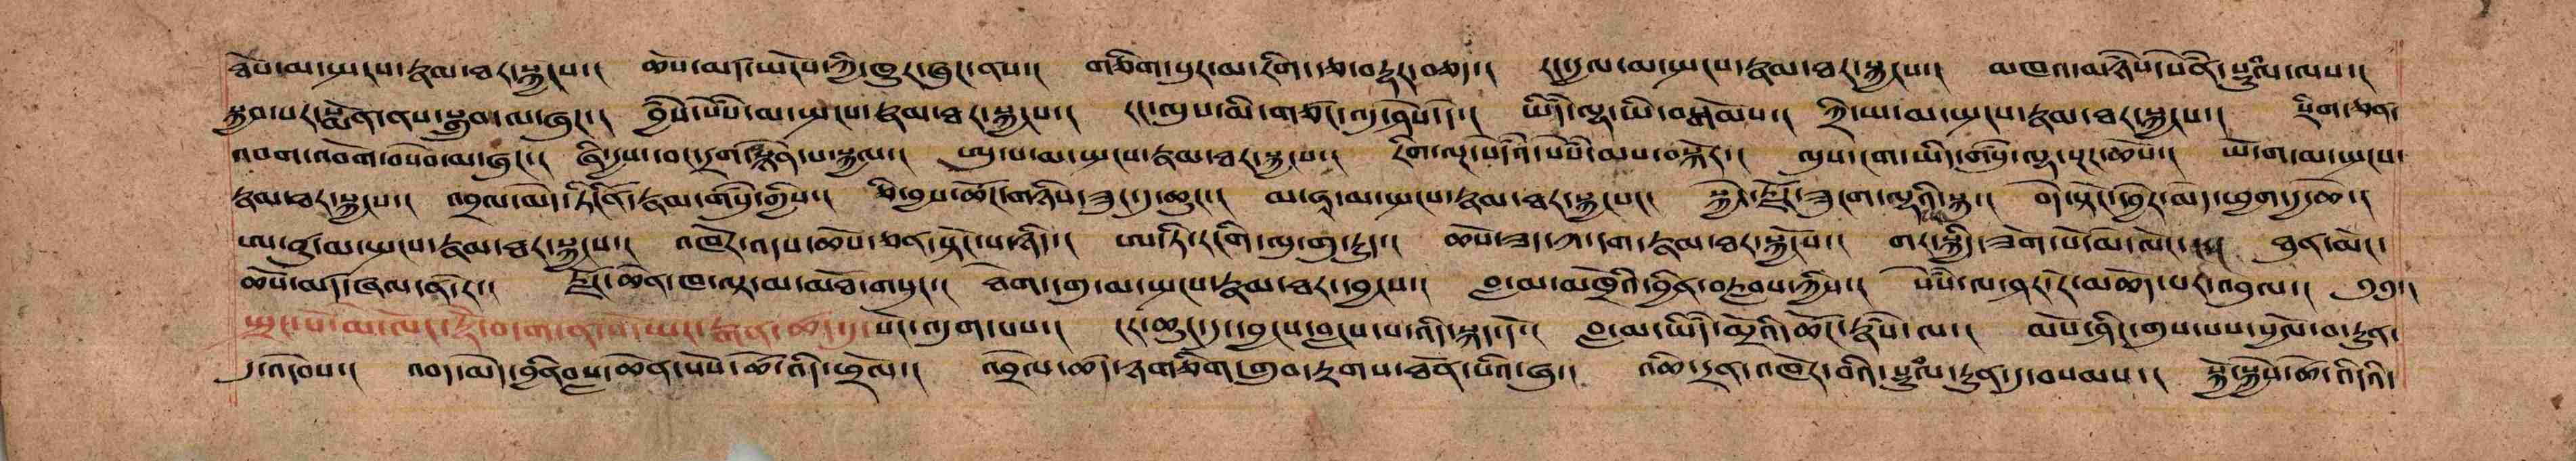ཐོས་མ་སྤངས་རྣམ་ཐར་སྐྱངས། ཆོས་མཛད་ཡོངས་ཀྱི་ཁྱུར་ཞུགས་ནས། གཅིག་པུར་མ་རིག་རྩ་བརྡར་བཅད། རང་རྒྱལ་མ་སྤངས་རྣམ་ཐར་སྐྱངས། མཁའ་མཉམས་སེམས་ཅན་སྡུག་བསྔལ་ལས། 
སྐྱབ་པར་སྨོན་ནས་སྒྲུབ་མ་ཞུགས། བྱཾས་སེམས་མ་སྤངས་རྣམ་ཐར་སྐྱངས། རང་ལུས་མི་གཙང་འདུ་ཤེས་དམ། ཡི་དམ་ལྷ་ཡི་བསྒོམས། ཀྲི་ཡ་མ་སྤངས་རྣམ་ཐར་སྐྱངས། སྡིག་ཅན་
འབག་འབོག་བསེབ་མ་ཞུང་། ཞི་རྒྱས་དབང་དྲག་སྙེན་པ་སྐྱལ། ཨུ་པ་མ་སྤངས་རྣམ་ཐར་སྐྱངས། རིག་ལྔ་སེམས་དཔའ་སེམས་མས་བསྐོར། ལུས་ངག་ཡིད་གསུམ་ལྷ་སྔར་ཆོས། ཡོ་ག་མ་སྤངས་
རྣམ་ཐར་སྐྱངས། འབྲལ་མེད་ཏིང་འཛིན་རྣམ་གསུམ་གྱིས། ཅི་བྱས་ཚོགས་གཉིས་ཟུང་དུ་ཆུང་། མ་ཞྭ་མ་སྤངས་རྣམ་ཐར་སྐྱངས། སྐྱེད་རྫོཊ་ཟུང་འཇུག་ལྷའི་སྐུ། བདེ་སྟོང་དབྱེར་མེད་ཕྱག་རྒྱ་ཆེ། 
ཨ་ནུ་མ་སྤངས་རྣམ་ཐར་སྐྱངས། འཁོར་འདས་ཆོས་ཅན་སྟོང་པ་ཉིད། ཨ་ཏི་རང་རིག་ལུ་གུ་དྱུད། ཆོས་ཟད་ཀ་དག་རྣམ་ཐར་སྐྱོངས། གར་སྐྱིད་ཟོག་པོ་མེ་ལོང་ང་། ཐུན་མོང་
ཆོས་མཛད་ཞལ་ན་རེ། རྫོགས་ཆེན་ཁ་ལྟ་མ་མཐོ་གསུང་། ཐེག་དགུ་མ་སྤངས་རྣམ་ཐར་དབྱངས། བླ་མ་མཁའ་འགྲོའི་བྱིན་བརླབས་ཀྱིས། སེམས་ལ་ཤར་རོ་མཆོད་པར་འབུལ།༄༅་། 
སྤྲང་པོ་མེ་ལོང་རྡོ་རྗེ་བདག་ན་སོང་ཡང་རྒན་ཚངས་སུ་སོང་འདུག་པས། ངར་ཆུང་དུ་དབྱངས་བླངས་པ་འདི་སྐད་དོ། བླ་མ་ཡི་དམ་མཁའ་འགྲོའི་ཚོགས་རྣམས་ལ། མོས་ཤིང་གུས་པས་གསོལ་བ་རྒྱུན་
དུ་འདེབས། འབད་མེད་བྱིན་རླབས་ཆེན་པོས་ཚེ་འདི་ཕྲོལ། འབྲེལ་ཚད་ཉག་གྲུབ་རྟགས་ཐོན་པའི་ཞུ། འཆི་དྲན་འཁོར་བའི་སྡུག་བསྔལ་དྱུན་དུ་བསམས། སྐྱོ་སྐྱེས་ཚེ་འདིའི་